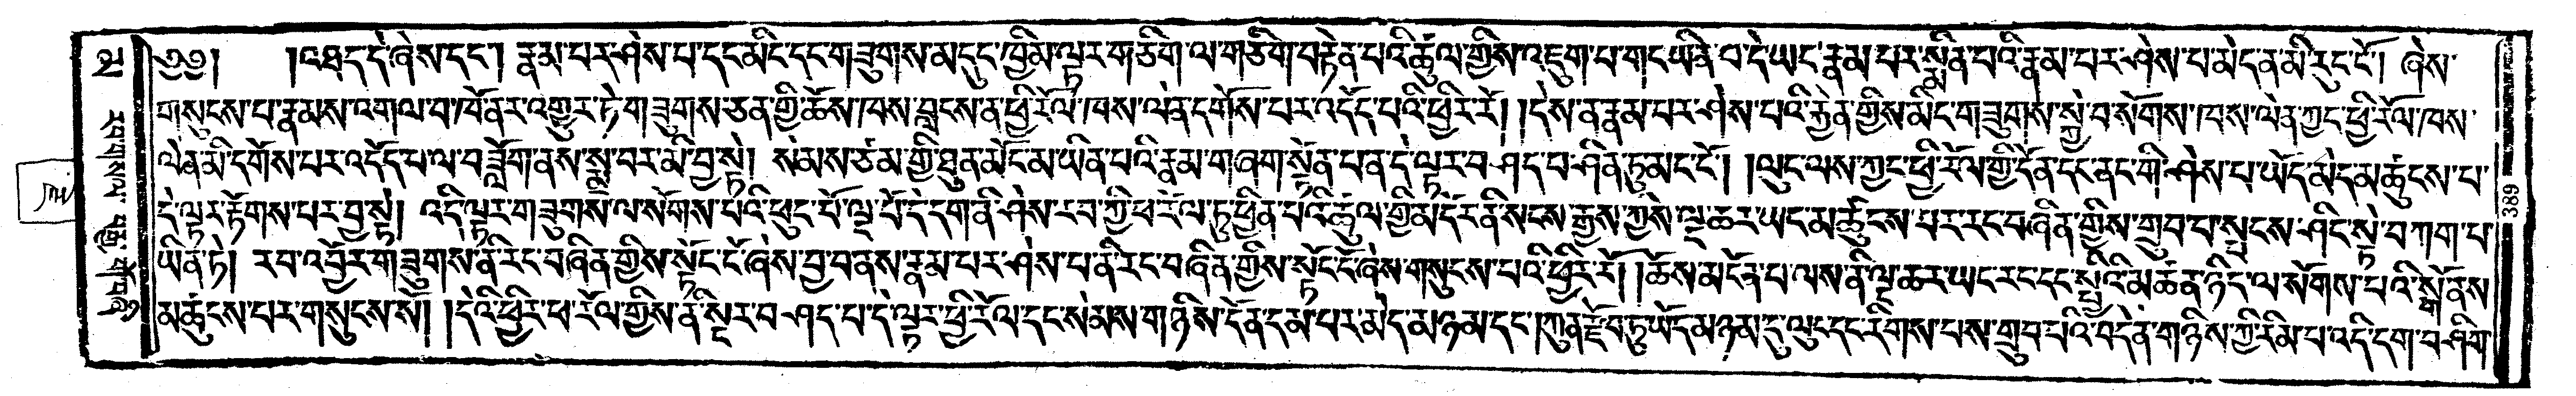༄༅། །འཐད་དེ་ཞེས་དང་། རྣམ་པར་ཤེས་པ་དང་མིང་དང་གཟུགས་མདུང་ཁྱིམ་ལྟར་གཅིག་ལ་གཅིག་བརྟེན་པའི་ཚུལ་གྱིས་འཇུག་པ་གང་ཡིན་པ་དེ་ཡང་རྣམ་པར་སྨིན་པའི་རྣམ་པར་ཤེས་པ་མེད་ན་མི་རུང་ངོ། ཞེས་
གསུངས་པ་རྣམས་འགལ་བ་ཁོ་ནར་འགྱུར་ཏེ་གཟུགས་ཅན་གྱི་ཆོས་ཁས་བླངས་ན་ཕྱི་རོལ་ཁས་ལེན་དགོས་པར་འདོད་པའི་ཕྱིར་རོ། །དེས་ན་རྣམ་པར་ཤེས་པའི་རྐྱེན་གྱིས་མིང་གཟུགས་སྐྱེ་བ་སོགས་ཁས་ལེན་ཀྱང་ཕྱི་རོལ་ཁས་
ལེན་མི་དགོས་པར་འདོད་པ་ལ་བཟློག་ནས་སྨྲ་བར་མི་བྱ་སྟེ། སེམས་ཙམ་གྱི་ཐུན་མོང་མ་ཡིན་པའི་རྣམ་གཞག་སྟོན་པ་ན་དེ་ལྟར་བཤད་པ་ཤིན་ཏུ་མང་ངོ། །ལུང་ལས་ཀྱང་ཕྱི་རོལ་གྱི་དོན་དང་ནང་གི་ཤེས་པ་ཡོད་མེད་མཚུངས་པ་
དེ་ལྟར་རྟོགས་པར་བྱ་སྟེ། འདི་ལྟར་གཟུགས་ལ་སོགས་པའི་ཕུང་པོ་ལྔ་པོ་དེ་དག་ནི་ཤེས་རབ་ཀྱི་ཕ་རོལ་ཏུ་ཕྱིན་པའི་ཚུལ་གྱི་མདོར་ནི་སངས་རྒྱས་ཀྱིས་ལྔ་ཆར་ཡང་མཚུངས་པར་རང་བཞིན་གྱིས་གྲུབ་པ་སྤངས་ཤིང་སྟེ་བཀག་པ་
ཡིན་ཏེ། རབ་འབྱོར་གཟུགས་ནི་རང་བཞིན་གྱིས་སྟོང་ངོ་ཞེས་བྱ་བ་ནས་རྣམ་པར་ཤེས་པ་ནི་རང་བཞིན་གྱིས་སྟོང་ངོ་ཞེས་གསུངས་པའི་ཕྱིར་རོ། །ཆོས་མངོན་པ་ལས་ནི་ལྔ་ཆར་ཡང་རང་དང་སྤྱིའི་མཚན་ཉིད་ལ་སོགས་པའི་སྒོ་ནས་
མཚུངས་པར་གསུངས་སོ། །དེའི་ཕྱིར་ཕ་རོལ་གྱིས་ནི་སྔར་བཤད་པ་དེ་ལྟར་ཕྱི་རོལ་དང་སེམས་གཉིས་དོན་དམ་པར་མེད་མཉམ་དང་། ཀུན་རྫོབ་ཏུ་ཡོད་མཉམ་དུ་ལུང་དང་རིགས་པས་གྲུབ་པའི་བདེན་གཉིས་ཀྱི་རིམ་པ་འདི་དག་བཤིག་